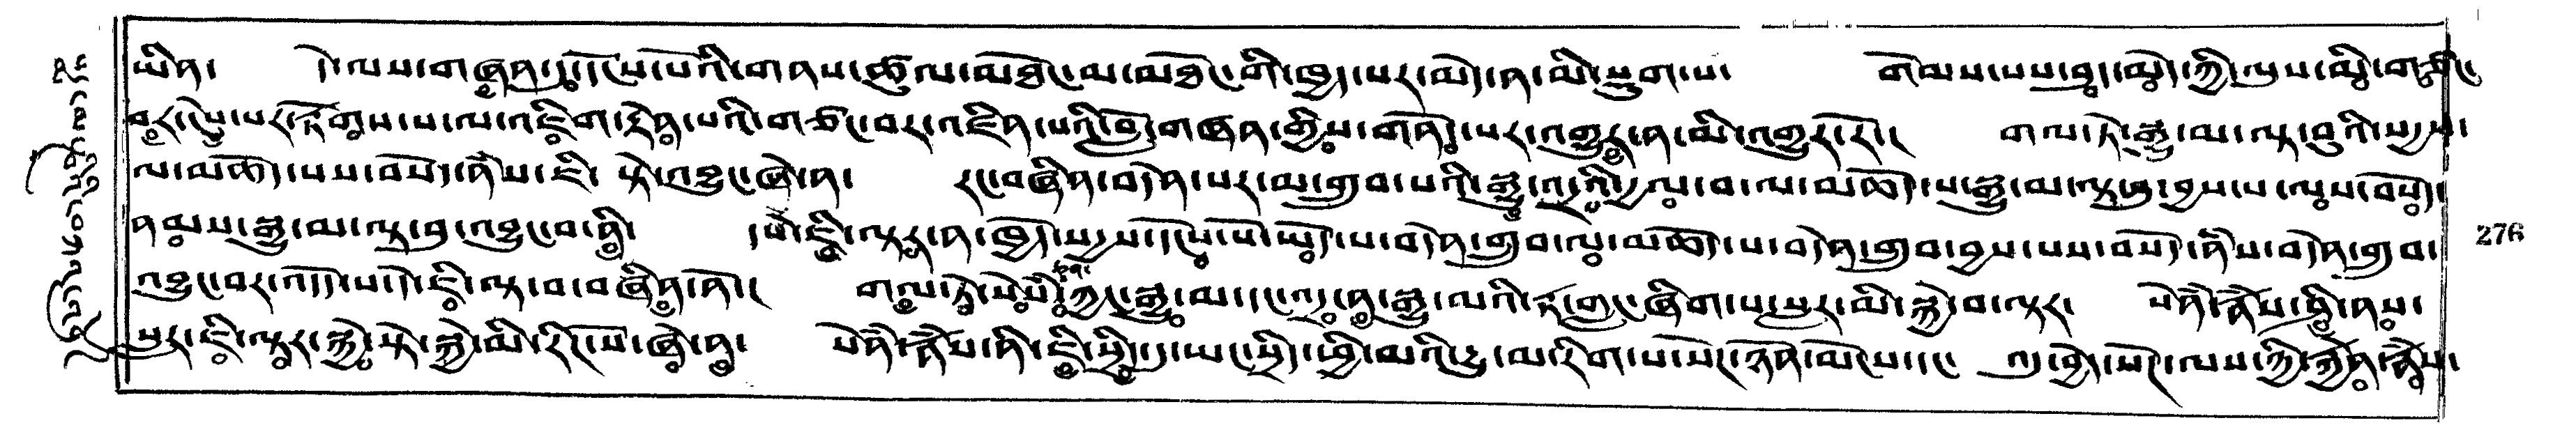ཡིན། དེ་ལས་གཞན་དུ་དངོས་པོའི་གནས་ཚུལ་མཐོང་མ་མཐོང་གི་ཁྱད་པར་མེད་ན་མི་སྡུག་པ་གོམས་པས་བུད་མེད་ཀྱི་ལུས་མི་གཙང་
བར་ངེས་པར་རྟོགས་པ་ལ་འཇིག་རྟེན་པའི་གཙང་བར་འཛིན་པའི་བློ་གཞན་གྱིས་གནོད་པར་འགྱུར་ན་མི་འགྱུར་རོ། གལ་ཏེ་སྒྱུ་མ་ལྟ་བུའི་སངས་རྒྱས་
ལ་མཆོད་པས་བསོད་ནམས་ཇི་སྟེ་འབྱུང་ཞེ་ན། རང་བཞིན་བདེན་པར་མ་གྲུབ་པའི་སྒྱུ་འདྲའི་རྒྱལ་བ་ལ་མཆོད་པ་སྒྱུ་མ་ལྟ་བུ་བྱས་པ་ལས་བསོད་
ནམས་སྒྱུ་མ་ལྟ་བུ་འབྱུང་བ་ནི། དཔེ་ཇི་ལྟར་ན་ཁྱོད་སངས་རྒྱས་དངོས་པོ་ཡོད་པ་བདེན་གྲུབ་ལ་མཆོད་པ་བདེན་གྲུབ་བྱས་པས་བསོད་ནམས་བདེན་གྲུབ་
འབྱུང་བར་འདོད་པ་དེ་ཇི་ལྟ་བ་བཞིན་ནོ། གལ་ཏེ་སེམས་ཅན་ཀྱང་སྒྱུ་མ་དང་འདྲ་ན་སྒྱུ་མའི་རྟ་གླང་ཞིག་པ་སླར་མི་སྐྱེ་བ་ལྟར། སེམས་ཅན་རྣམས་ཤི་ནས་
སླར་ཇི་ལྟར་སྐྱེ་སྟེ་སྐྱེ་མི་རིགས་སོ་ཞེ་ན།སེམས་ཅན་རྣམས་ནི་ཇི་སྲིད་དུ་ཡང་སྲིད་ཕྱི་མའི་རྒྱུ་མ་རིག་པ་སོགས་ཉོན་མོངས་པ་དང་། འདུ་བྱེད་སོགས་ལས་ཀྱི་རྐྱེན་རྣམས་